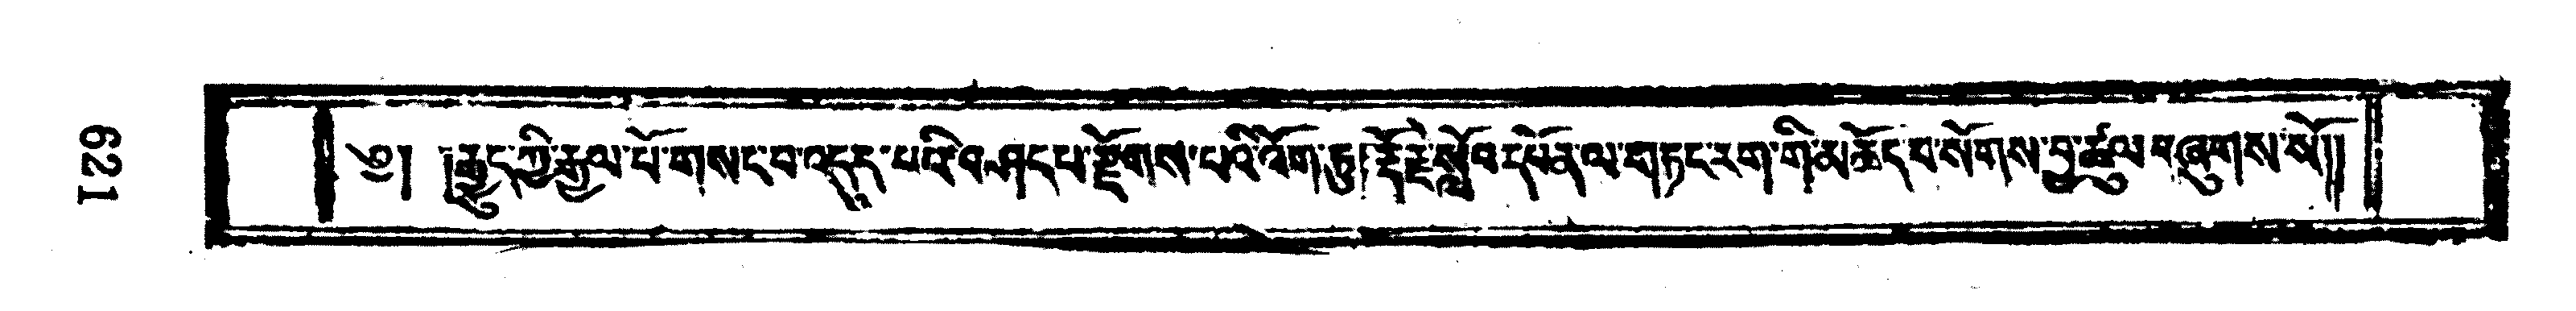༄༅། །རྒྱུད་ཀྱི་རྒྱལ་པོ་གསང་བ་འདུད་པའི་བཤད་པ་རྫོགས་པའི་འོག་ཏུ། རྡོ་རྗེ་སློབ་དཔོན་ལ་གཏང་རག་གི་མཆོད་པ་སོགས་བྱ་བའི་ཚུལ་ནི། དཔོན་སློབ་རྣམས་ཀྱིས་བཞུགས་སོ། །